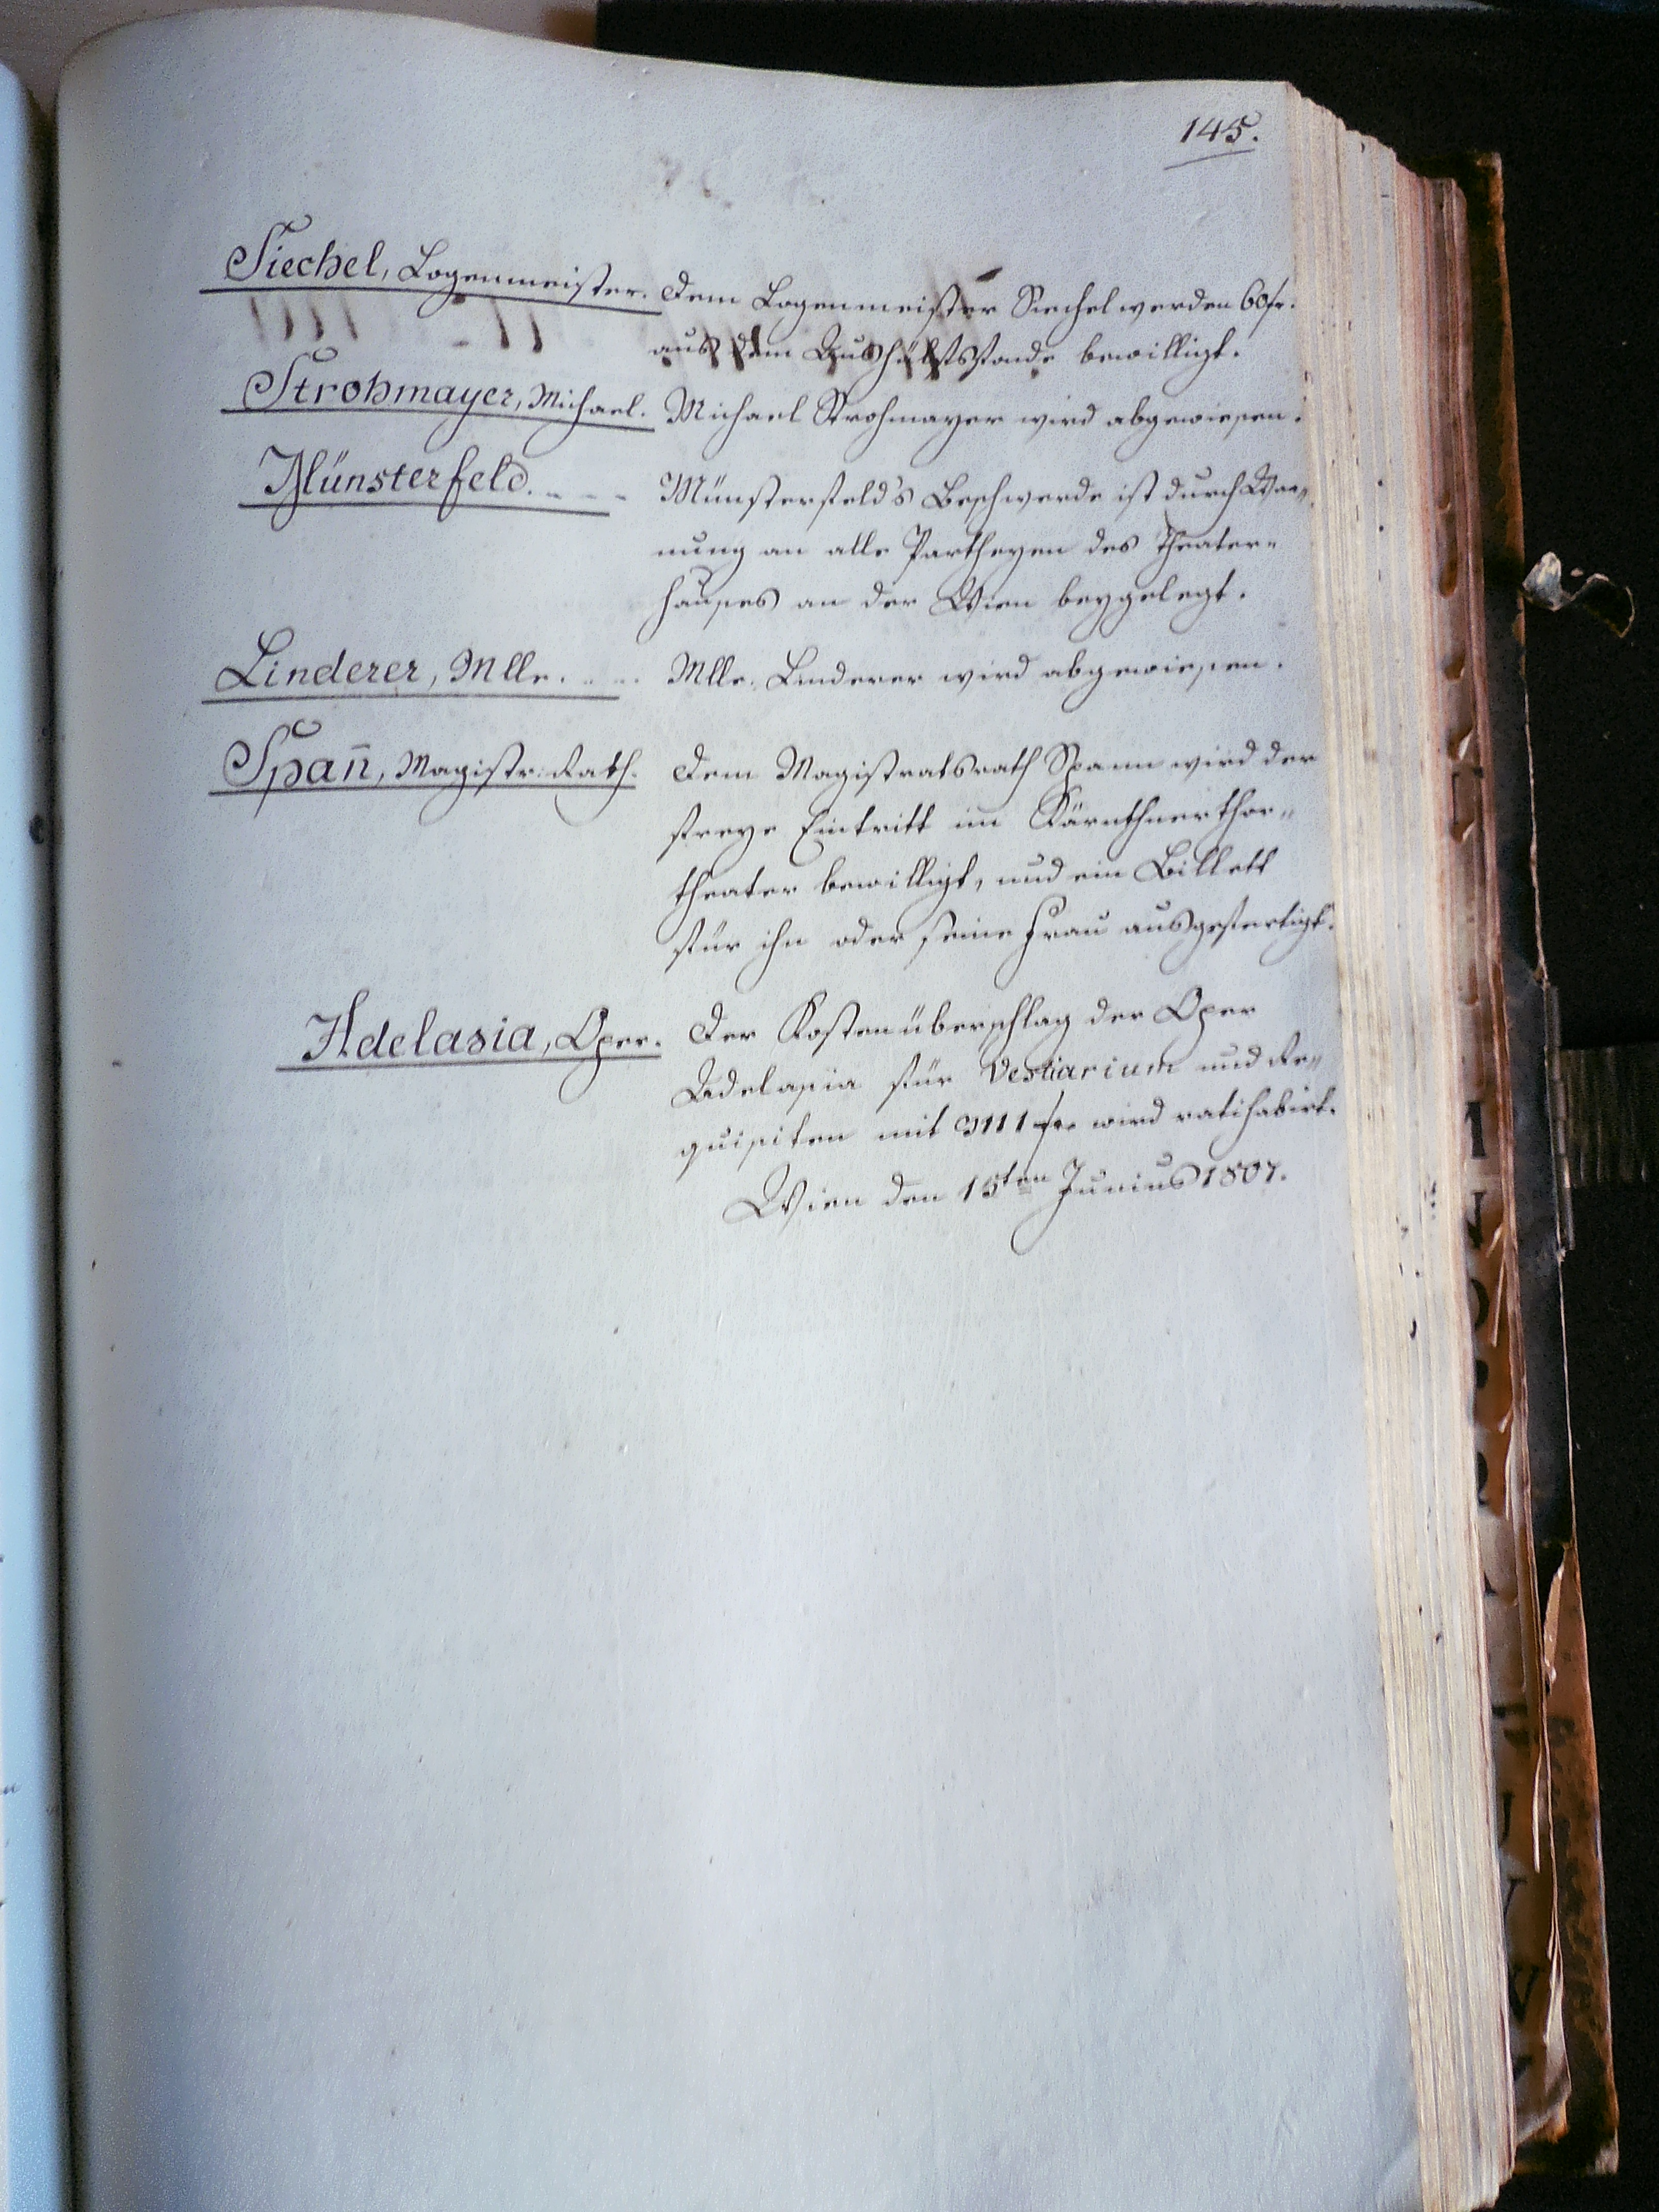145.
Siechel, Logenmeister. Dem Logenmeister Siechel werden 60fr.
aus dem Aushülfsfonde bewilligt.
Strohmayer,Michael. Michael Strohmayer wird abgewiesen.
Münsterfeld. .. .. .. Münsterfeld's Beschwerde ist durch War¬
nung an alle Partheyen des Theater¬
hauses an der Wien beygelegt.
Linderer, Mlle. .. .. Mlle. Linderer wird abgewiesen.
Span̅, Magistr. Rath. Dem Magistratsrath Spann wird der
freye Eintritt im Kärnthnerthor¬
theater bewilligt, und ein Billett
für ihn oder seine Frau ausgefertigt.
Adelasia, Oper. Der Kostenüberschlag der Oper
Adelasia für Vestiarium und Re¬
quisiten mit 3111fr. wird ratihabirt.
Wien den 15te͇n Junius und 1807.